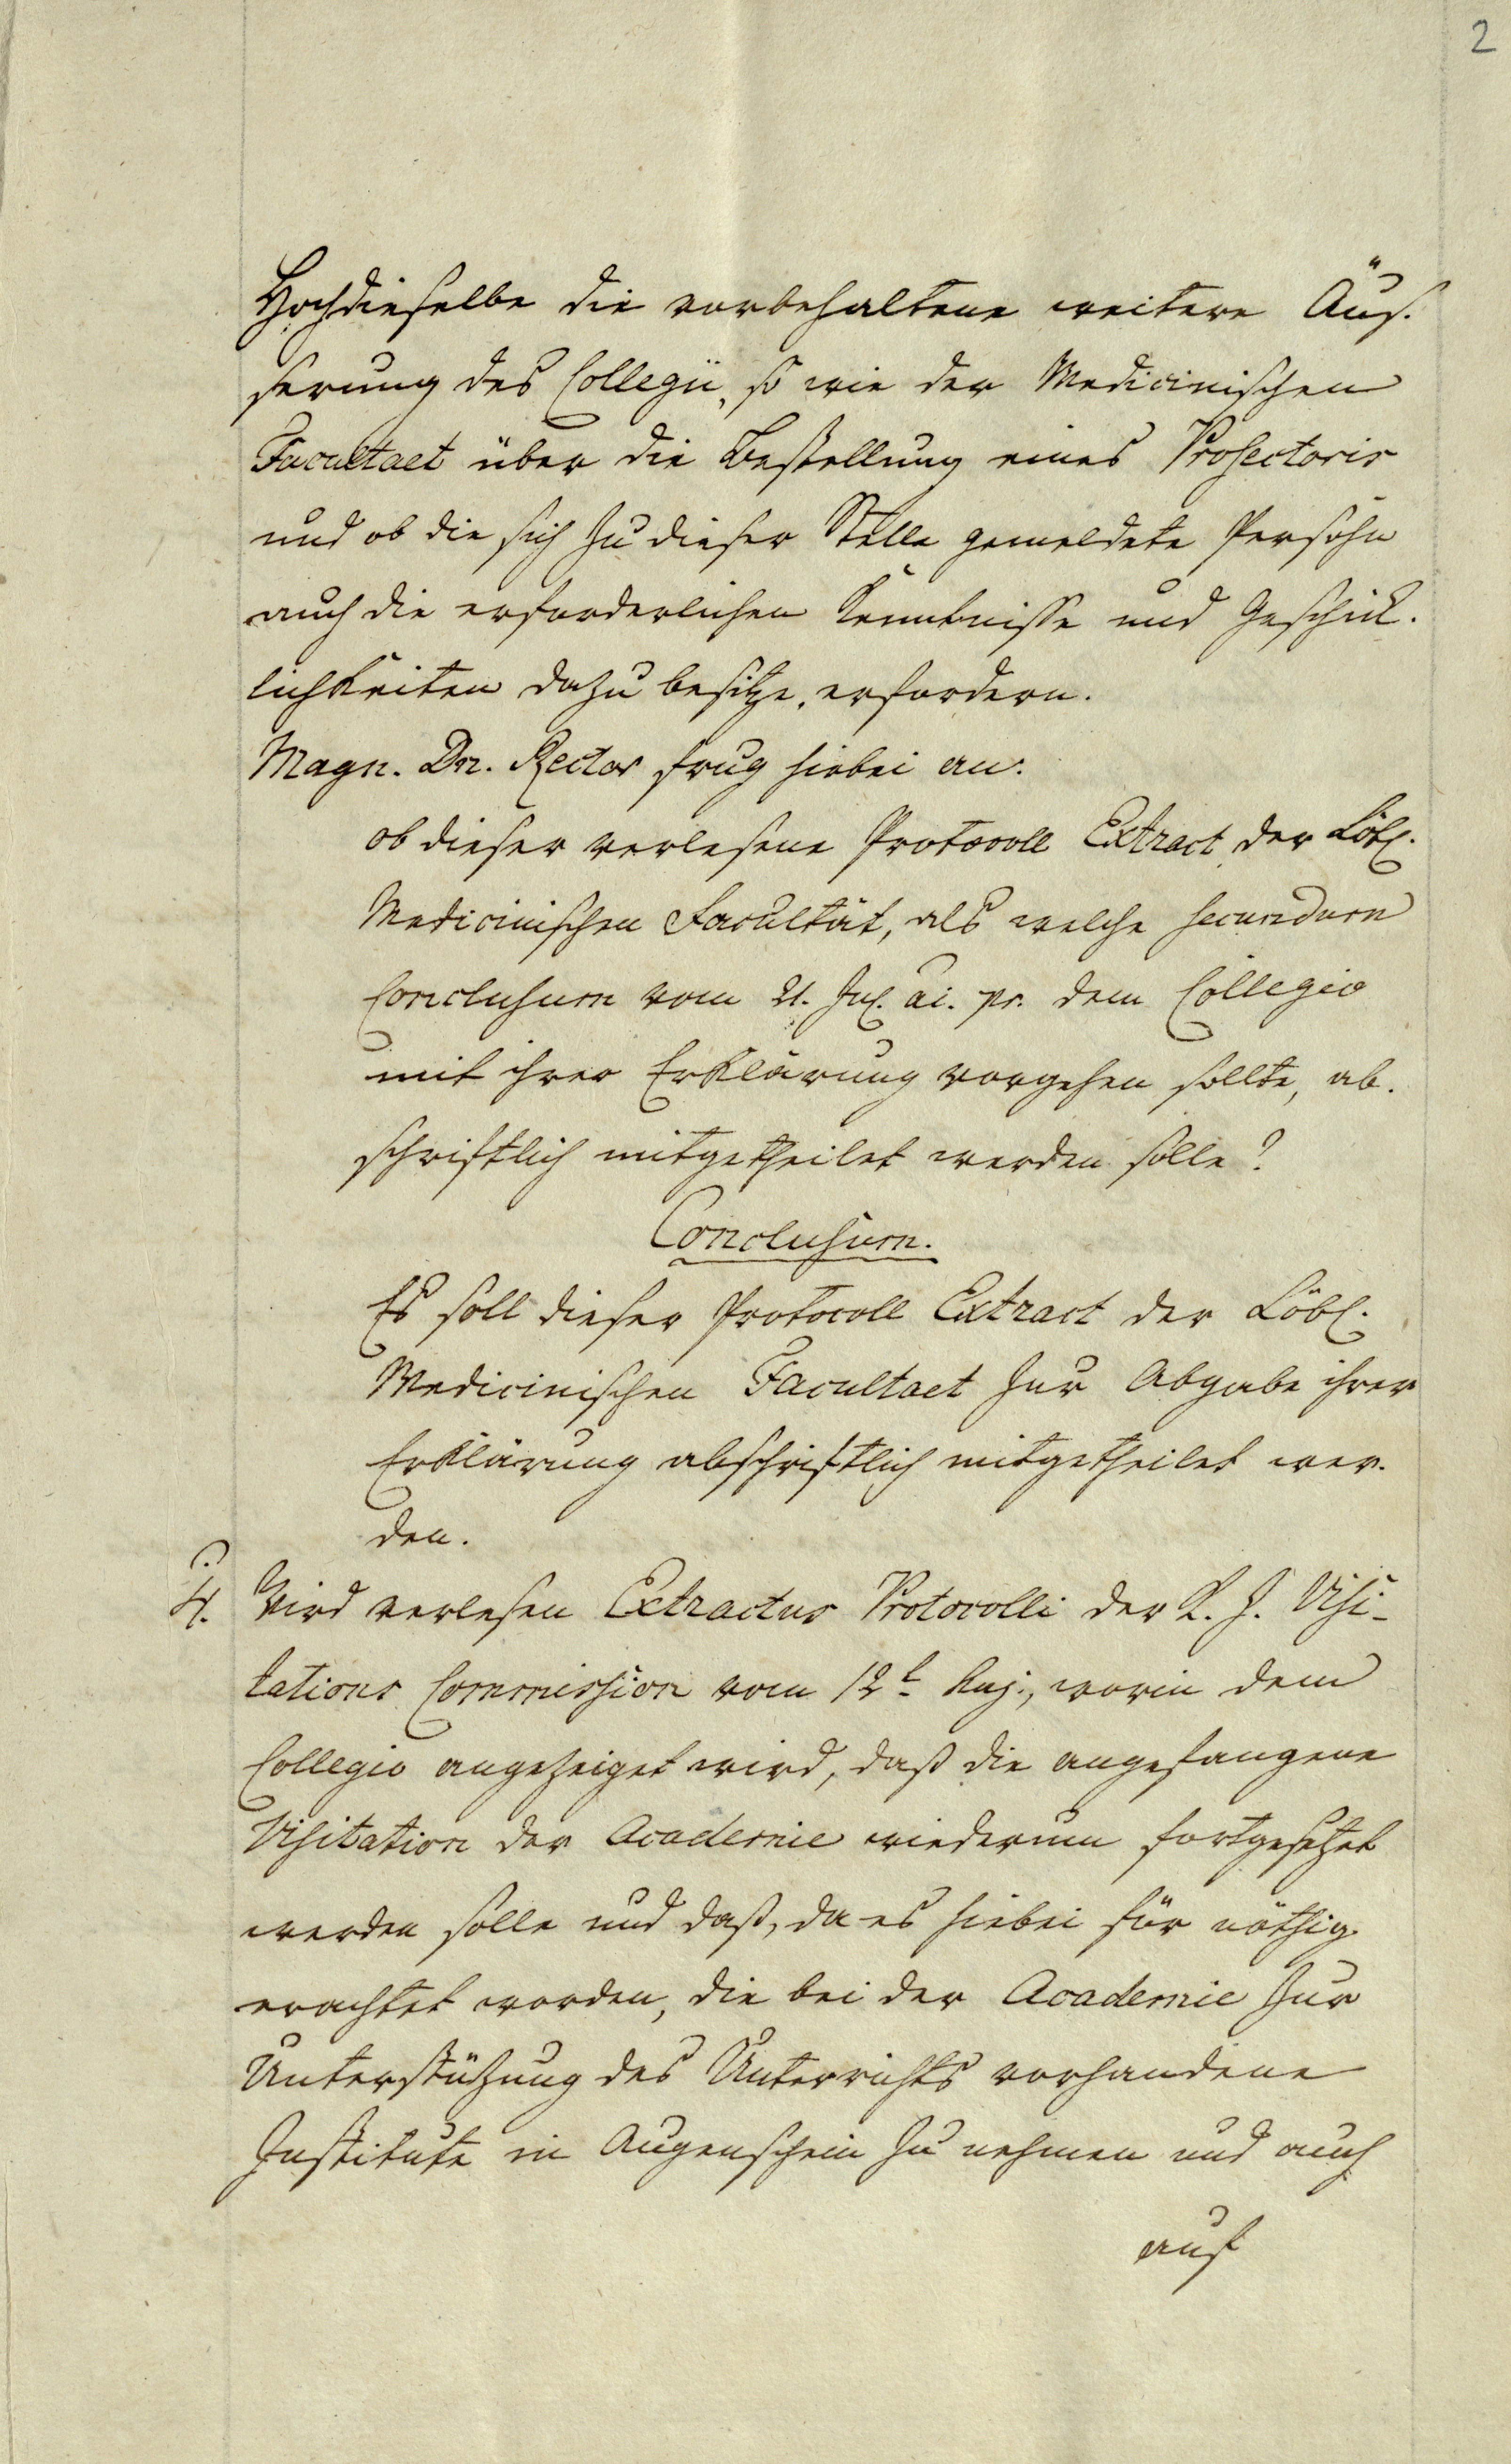2
Hochdieselbe die vorbehaltene weitere Äus¬
serung des Collegii, so wie der Medicinischen
Facultaet über die Bestellung eines Protectoris
und ob die sich zu dieser Stelle gemeldete Persohn
auch die erforderlichen Kenntnisse und Geschick¬
lichkeiten dazu besitzt, erfordern.
Magn. Dn. Rector frug hiebei an:
ob dieser verlesene Protocoll Extract der Löbl.
Medicinischen Facultät, als welche secundum
Conclusum vom 21. Jul. ai. pr. dem Collegio
mit ihrer Erklärung vorgehen sollte, ab¬
schriftlich mitgetheilt werden solle?
Conclusum.
Es soll diser Protocoll Extract der Löbl.
Medicinischen Facultaet zur Abgabe ihrer
Erklärung abschriftlich mitgetheilt wer¬
den.
4. Wird verlesen Extractus Protocolli der K. H. Visi¬
tations Commission vom 12t. huj., worin dem
Collegio angezeigt wird, daß die angefangene
Visitation der Academie wirksam fortgesetzt
werden solle und daß, da es hiebei für nöthig
erachtet worden, die bei der Academie zur
Unterstützung des Unterrichts vorhandenen
Institute in Augenschein zu nehmen und auch
auf